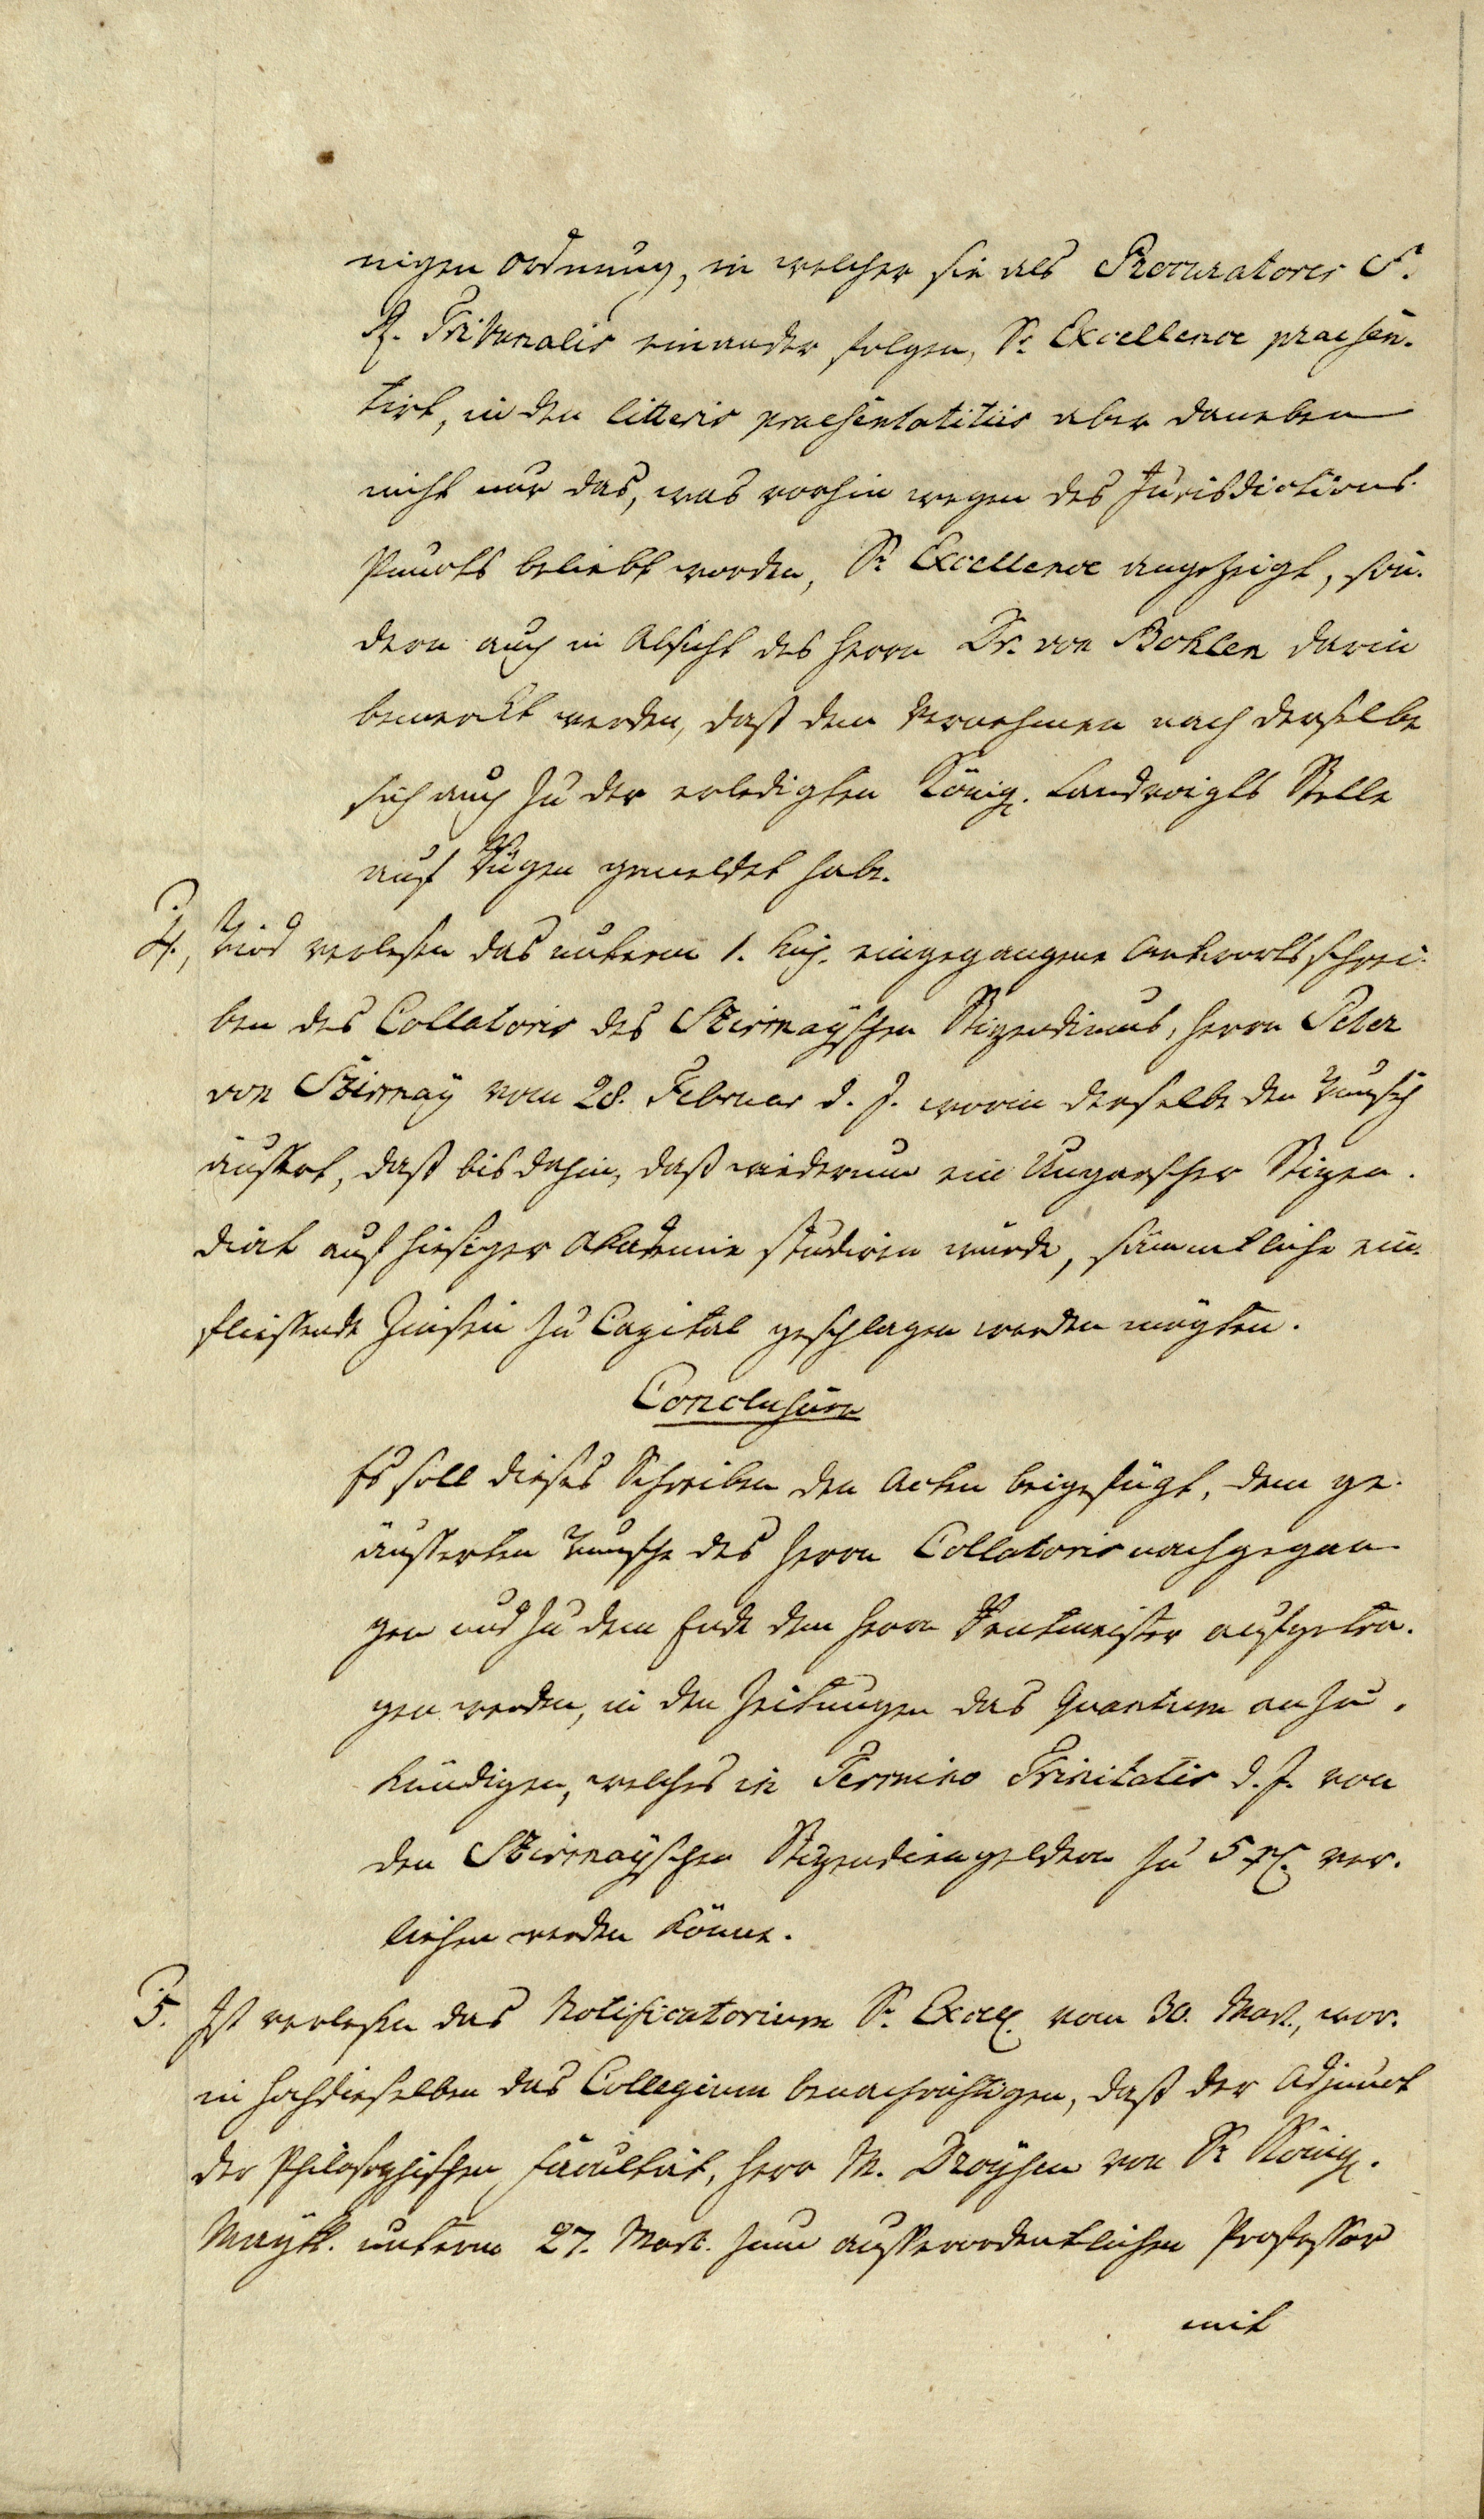nigen Ordnung, in welcher sie als Procuratores F.
R. Tribunalis einander folgen, Sr Excellence praesen¬
tirt, in den litteris praesentatitiis aber daneben
nicht nur das, was vorhin wegen des Jurisdictions-
Puncts beliebt worden, Sr Excellence angezeiget, son¬
dern auch in Absicht des Herrn Dr. von Bohlen darin
bemerckt werden, daß dem Vernehmen nach derselbe
sich auch zu der erledigten König. Landvoigts Stelle
auf Rügen gemeldet habe.
4, Wird verlesen das unterm 1. huj. eingegangene Antwortsschrei¬
ben des Collatoris des Szirmaÿschen Stipendiums, Herrn Peter
von Szirmaÿ vom 28. Februar d. J. worin derselbe den Wunsch
äussert, daß bis dahin, daß wiederum ein Ungarscher Stipen¬
diat auf hiesiger Akademie studiren würde, sämmtliche ein¬
fliessende Zinsen zu Capital geschlagen werden mögten.
Conclusum
Es soll dieses Schreiben den Acten beigefügt, dem ge¬
äusserten Wunsche des Herrn Collatoris nachgegan¬
gen und zu dem Ende dem Herrn Rentmeister aufgetra¬
gen werden, in den Zeitungen das Quantum anzu¬
kündigen, welches in Termino Trinitatis d. J. von
den Szirmaÿschen Stipendiengeldern zu 5 pl. ver¬
liehen werden könne.
5. Ist verlesen das Notificatorium Sr. Excell. vom 30. Mart, wor¬
in Hochdieselben das Collegium benachrichtigen, daß der Adjunct
der Philosophischen Facultät, Herr M. Droÿsen von Sr. König.
Maÿtt. unterm 27. Mart. zum ausserordentlichen Professor
mit